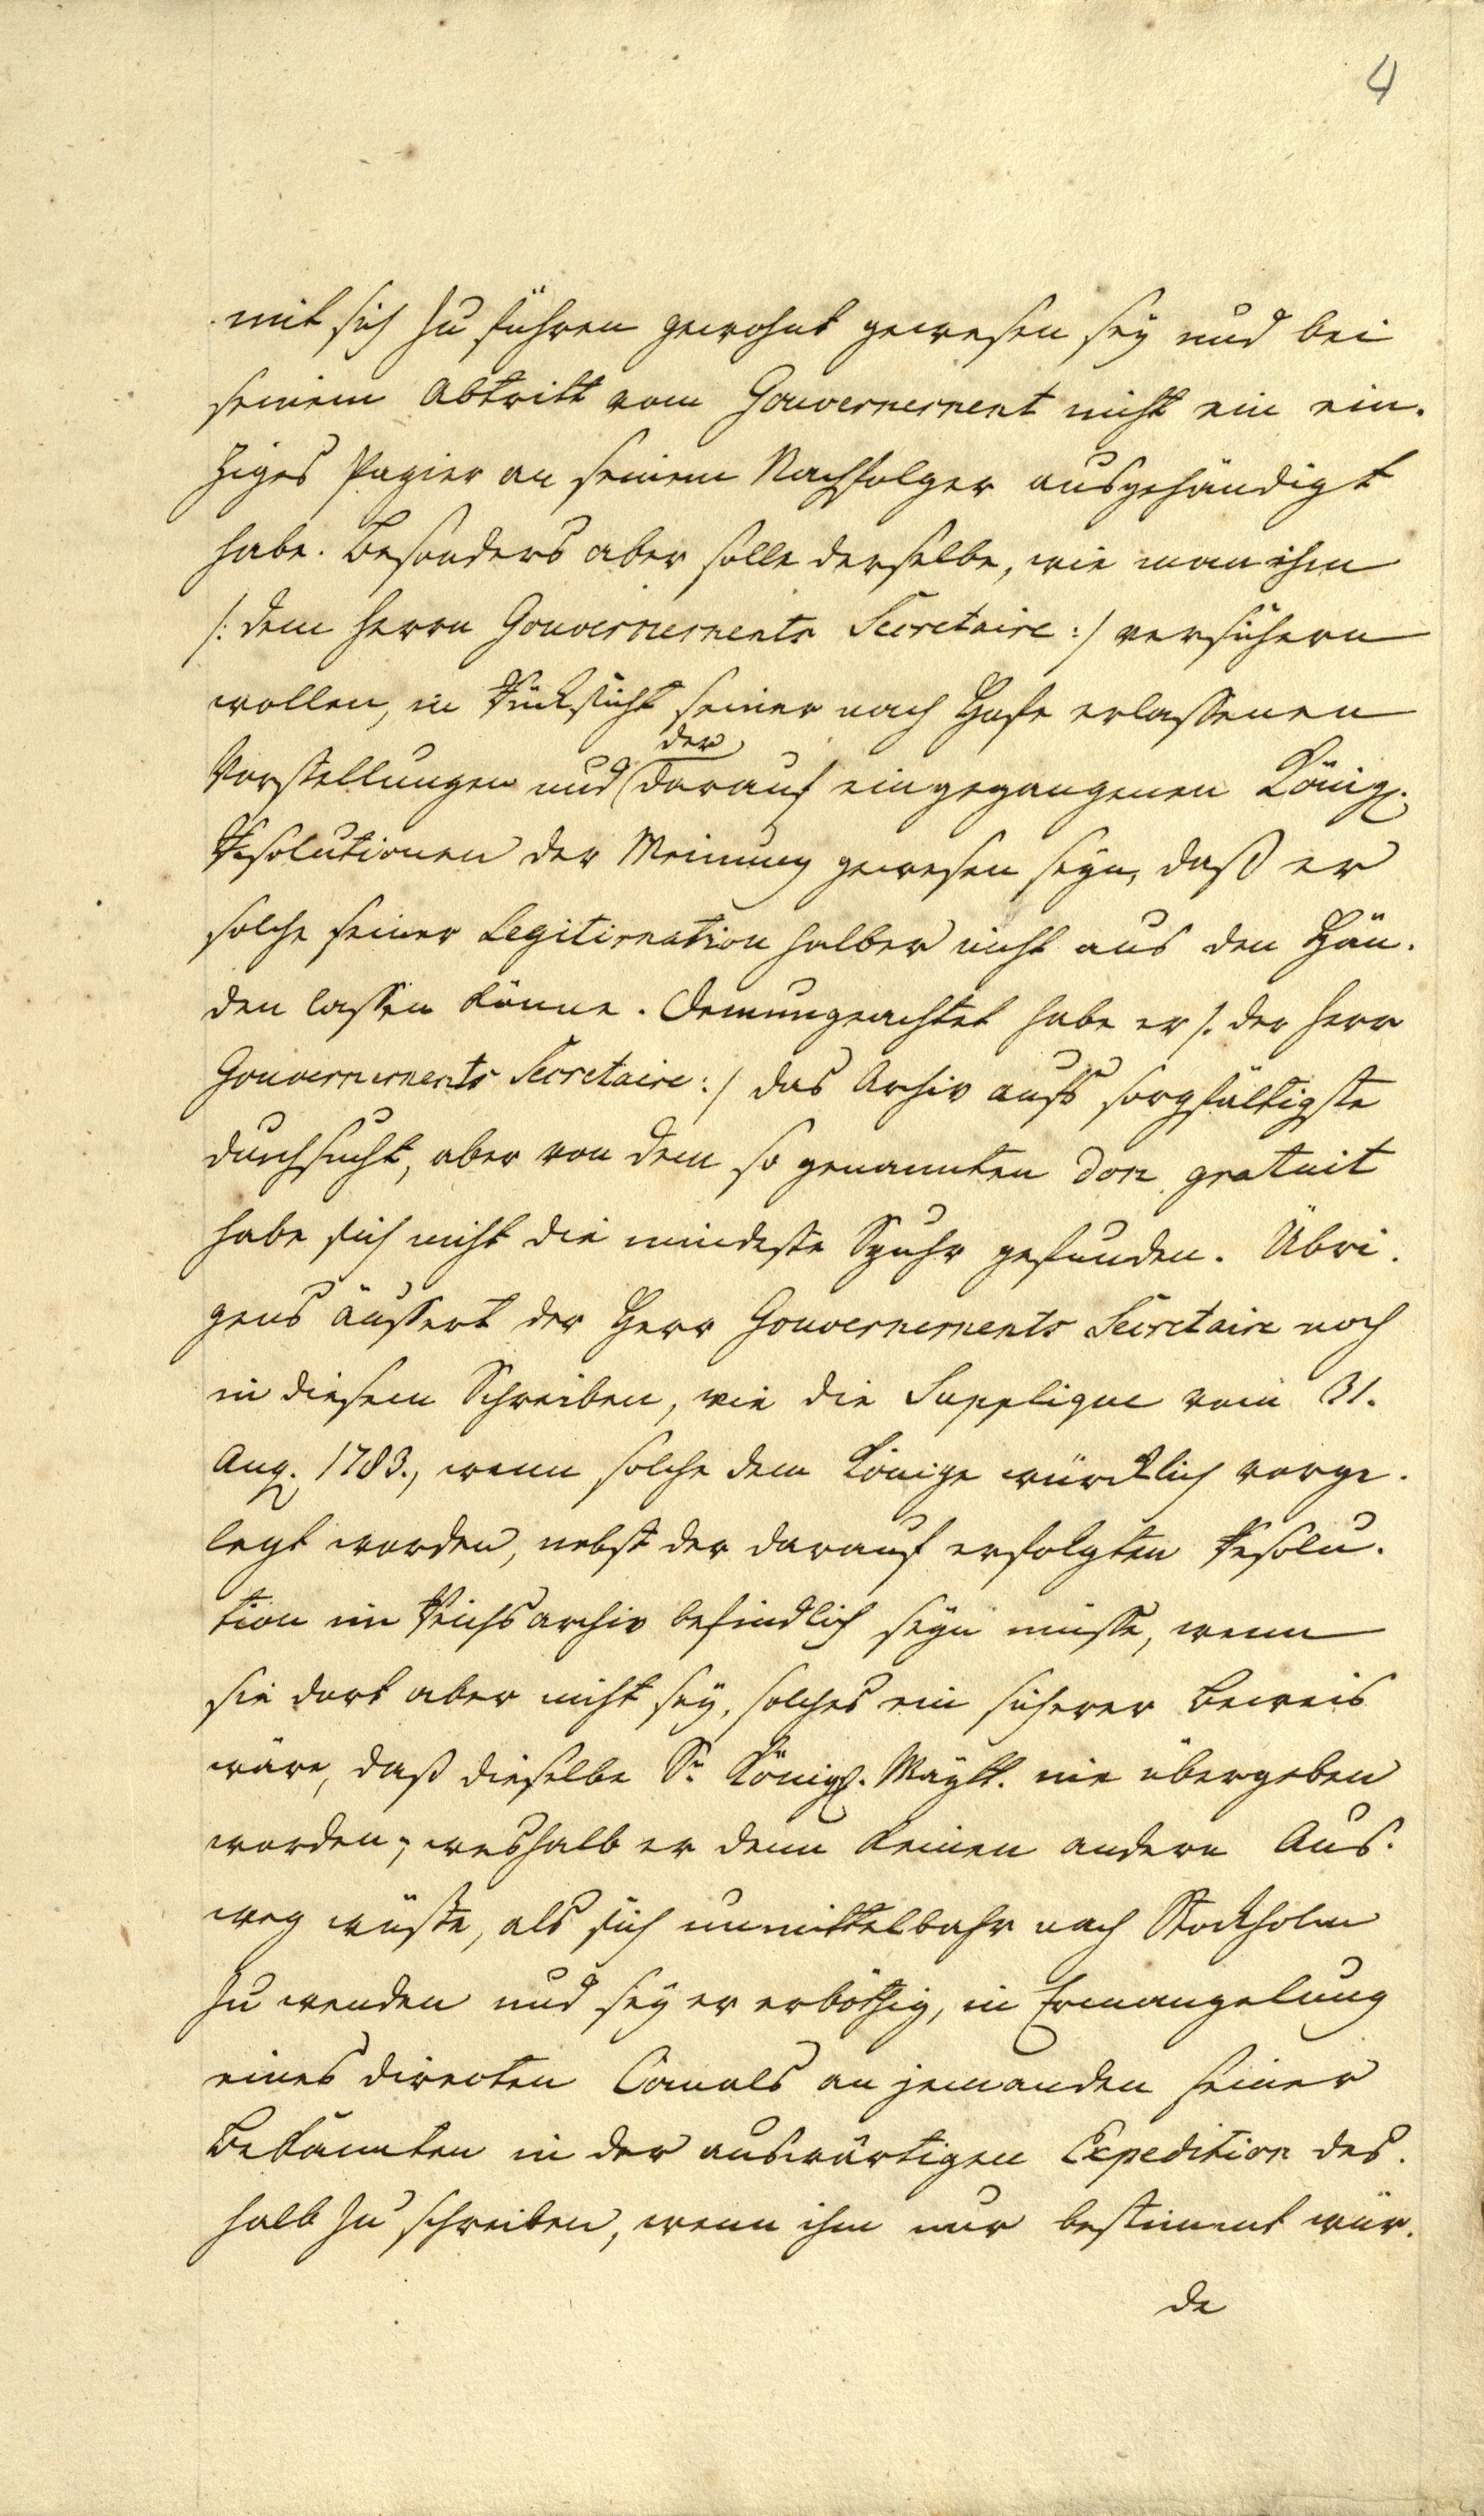mit sich zu führen gewohnt gewesen seÿ und bei
seinem Abtritt vom Gouvernement nicht ein ein¬
ziges Papier an seinen Nachfolger ausgehändigt
habe. Besonders aber solle derselbe, wie man ihm
( dem herrn Gouvernements Secretaire) versichern
wollen, in Rücksicht seiner nach Hofe erlassenen
Vorstellungen und der darauf eingegangenen Königl.
Resolutionen der Meinung gewesen seÿn, daß er
solche seiner Legitimation halber nicht aus den Hän¬
den lassen könne. Demungeachtet habe er (der herr
Gouvernements Secretaire) das Archiv aufs sorgfältigste
durchsucht, aber von dem so genannten don gratuit
habe sich nicht die mindeste Spuhr gefunden. Übri¬
gens äußerte der Herr Gouvernements Secretaire noch
in diesem Schreiben, wie die Supplique vom 31.
Aug. 1783., wenn solche dem Könige würcklich vorge¬
legt worden, nebst der darauf erfolgten Resolu¬
tion im Reichsarchiv befindlich seÿn müsse, wenn
sie dort aber nicht seÿ, solches ein sicherer Beweis
wäre, daß dieselbe Sr. Königl. Maÿtt. nie übergeben
worden, weshalb er denn keinen andern Aus¬
weg wüste, als sich unmittelbahr nach Stockholm
zu wenden und seÿ er erböthig, in Ermangelung
eines directen Canals an jemanden seiner
Bekannten in der auswärtigen Expedition des¬
halb zu schreiben, wenn ihm nur bestimmt wür¬
de